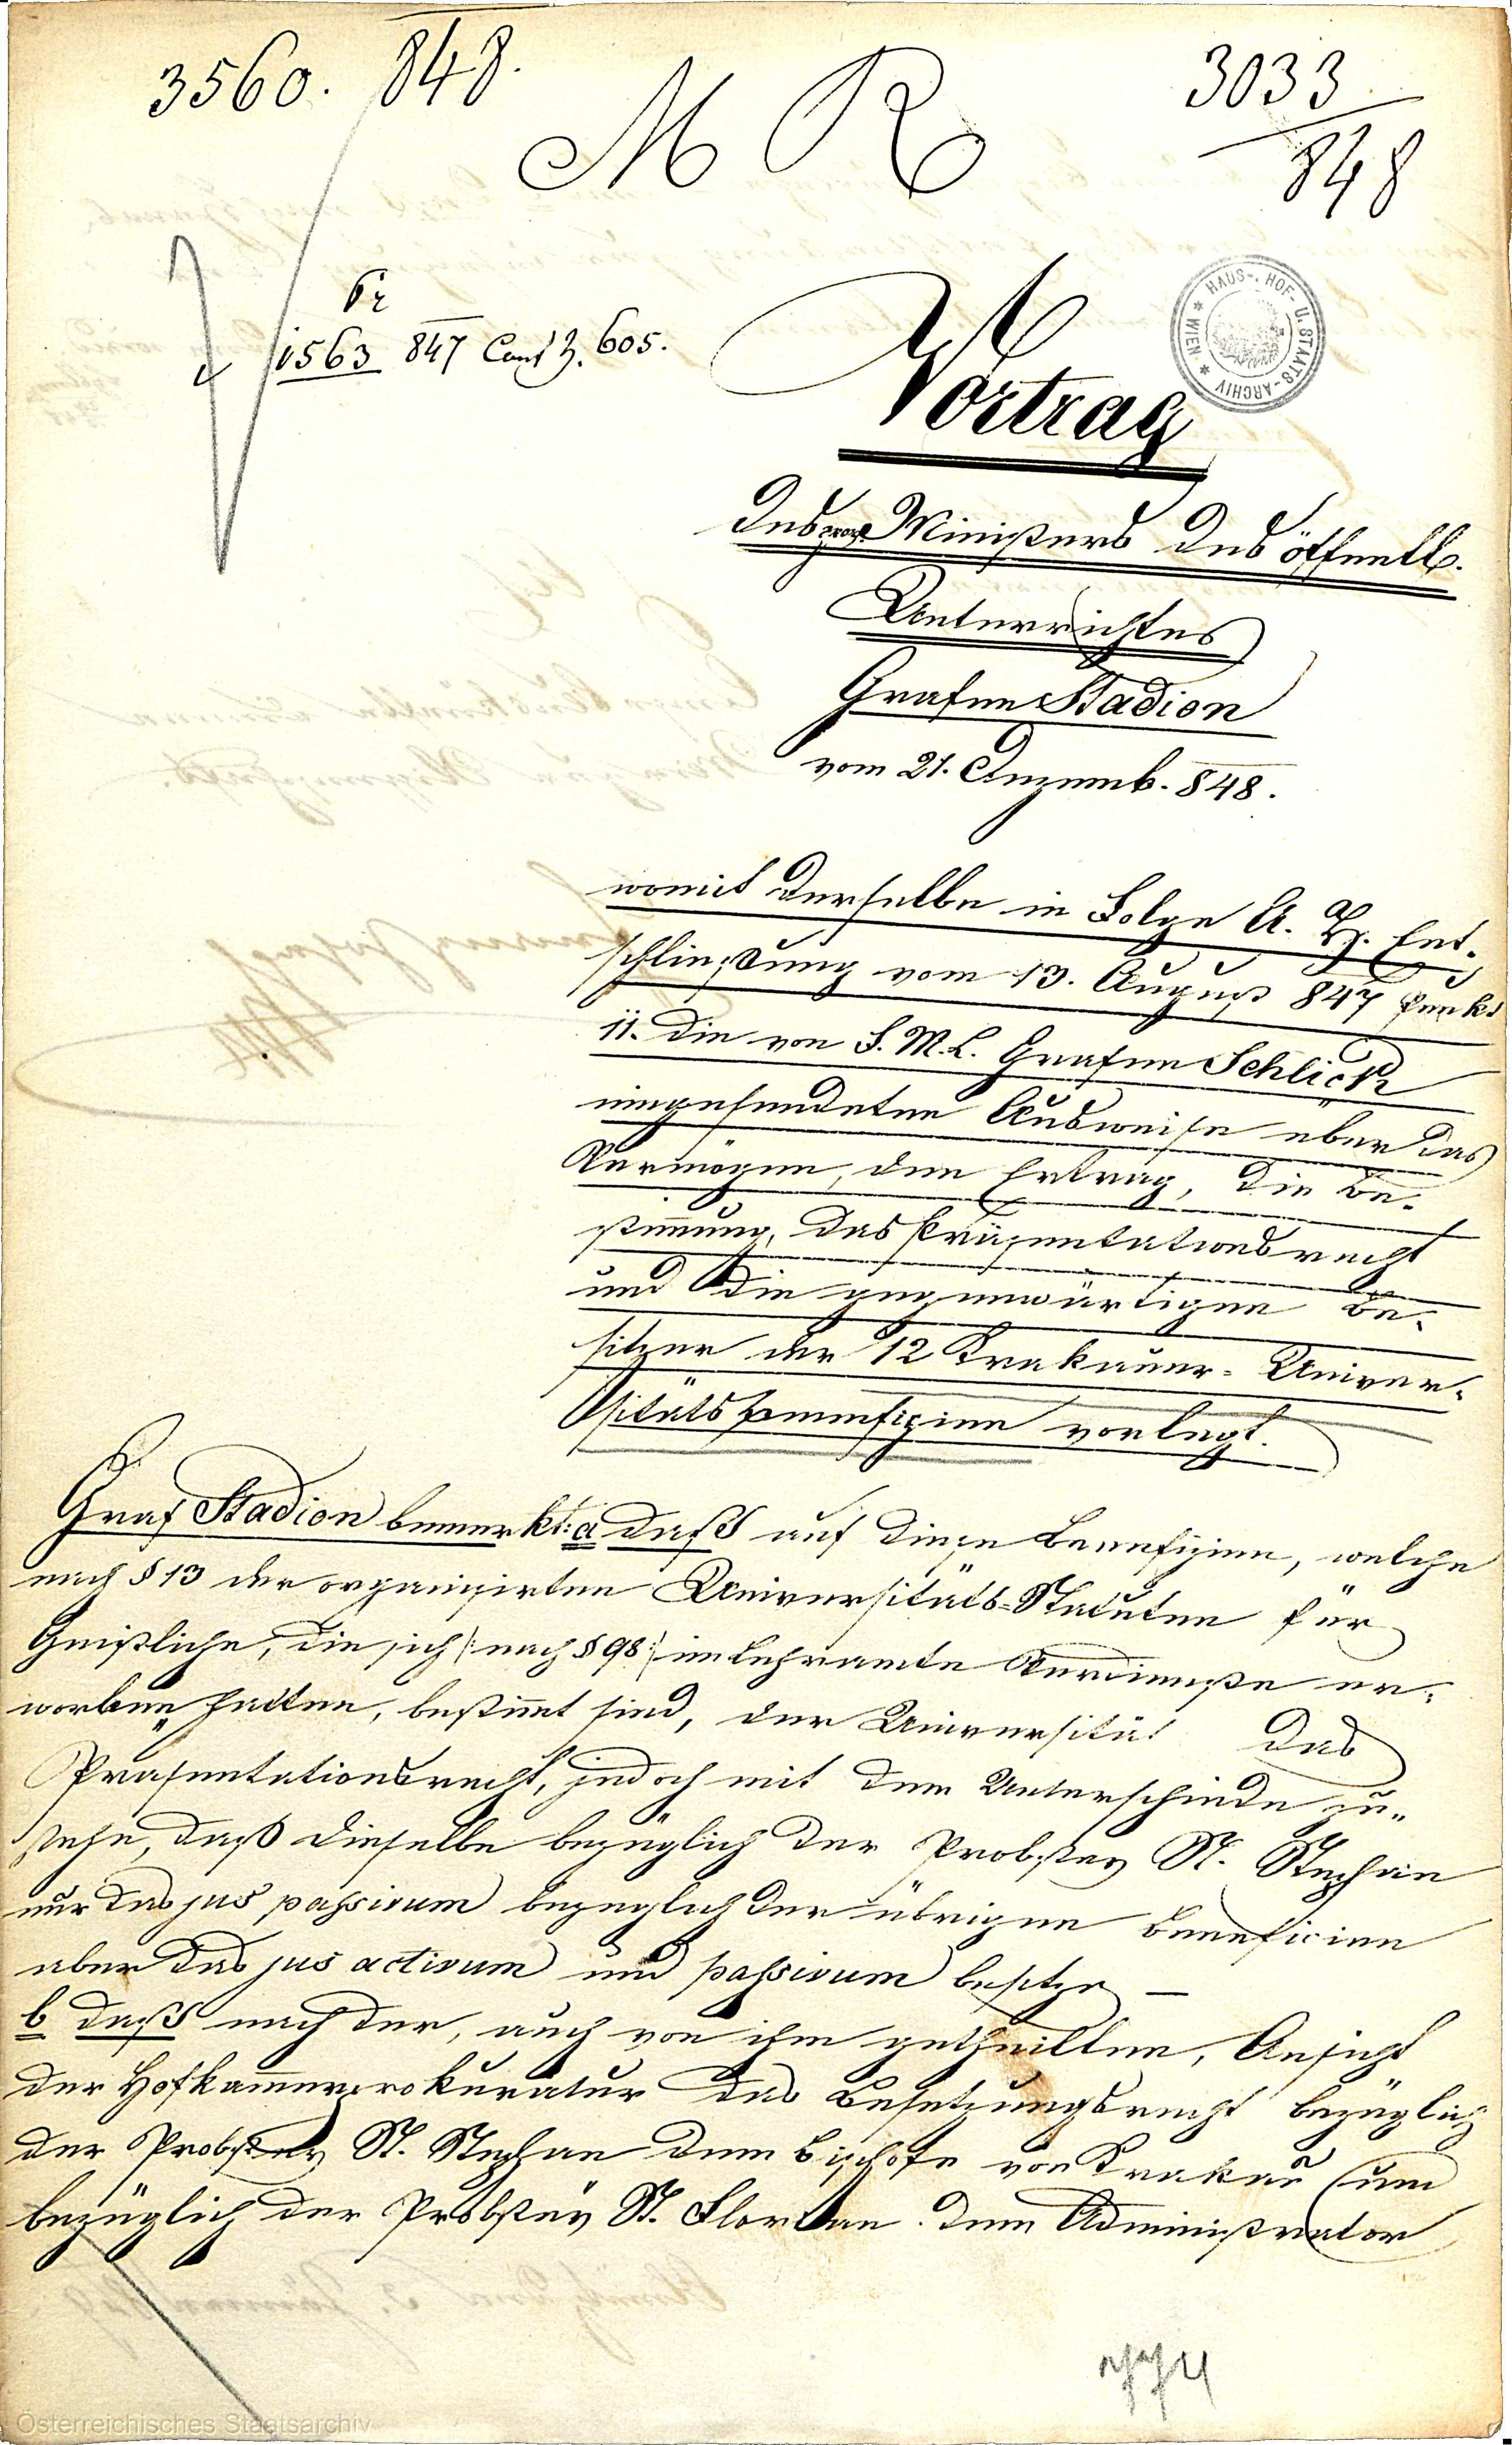3560. 848.
M R
3033
848
Sr.
1563 847 Comt 3. 605.
Vortrag
des xx Ministers des öffentl.
Unterrichtes
Grafen Stadion
vom 21. Dezemb. 848
womit derselbe in Folge A. H. Ent¬
schließung vom 13. August 847 Punks
11. Die von F. M. L. Grafen Schlick
eingesendeten Ausweise über des
Vermögen, dem Ertrag, die Be¬
stimmung, das Präsentationsrecht
und die gegenwärtigen Be¬
sitzer der 12 Krakauer=Universi¬
tätsxxzien vor legt.
Graf Station bemerkt: a daß auf diese Benefizien, welche
mich §13 der organisirten Universitäts=Statuten für
Geistliche, die sich /:nach § 98:/ im Lehramte Verdienste er¬
worben hatten, bestimmt sind der Universität das
Präsentationsrecht, jedoch mit dem Unterschiede zu¬
stehe, daß dieselbe bezüglich der Probstey St. Stephan
nur des jus passivum bezeglich der übrigen Beneficien
aber dasw jus activum und passivum besitze -
b daß nach der, auch von ihm getheilten, Ansich
der Hofkammerprokuratur das Besetzungsrecht bezüglich
der Probstey St. Stephan dem Bischofe von Krakxxr und
bezüglich der Probstey St. Florian dem Administrator
774